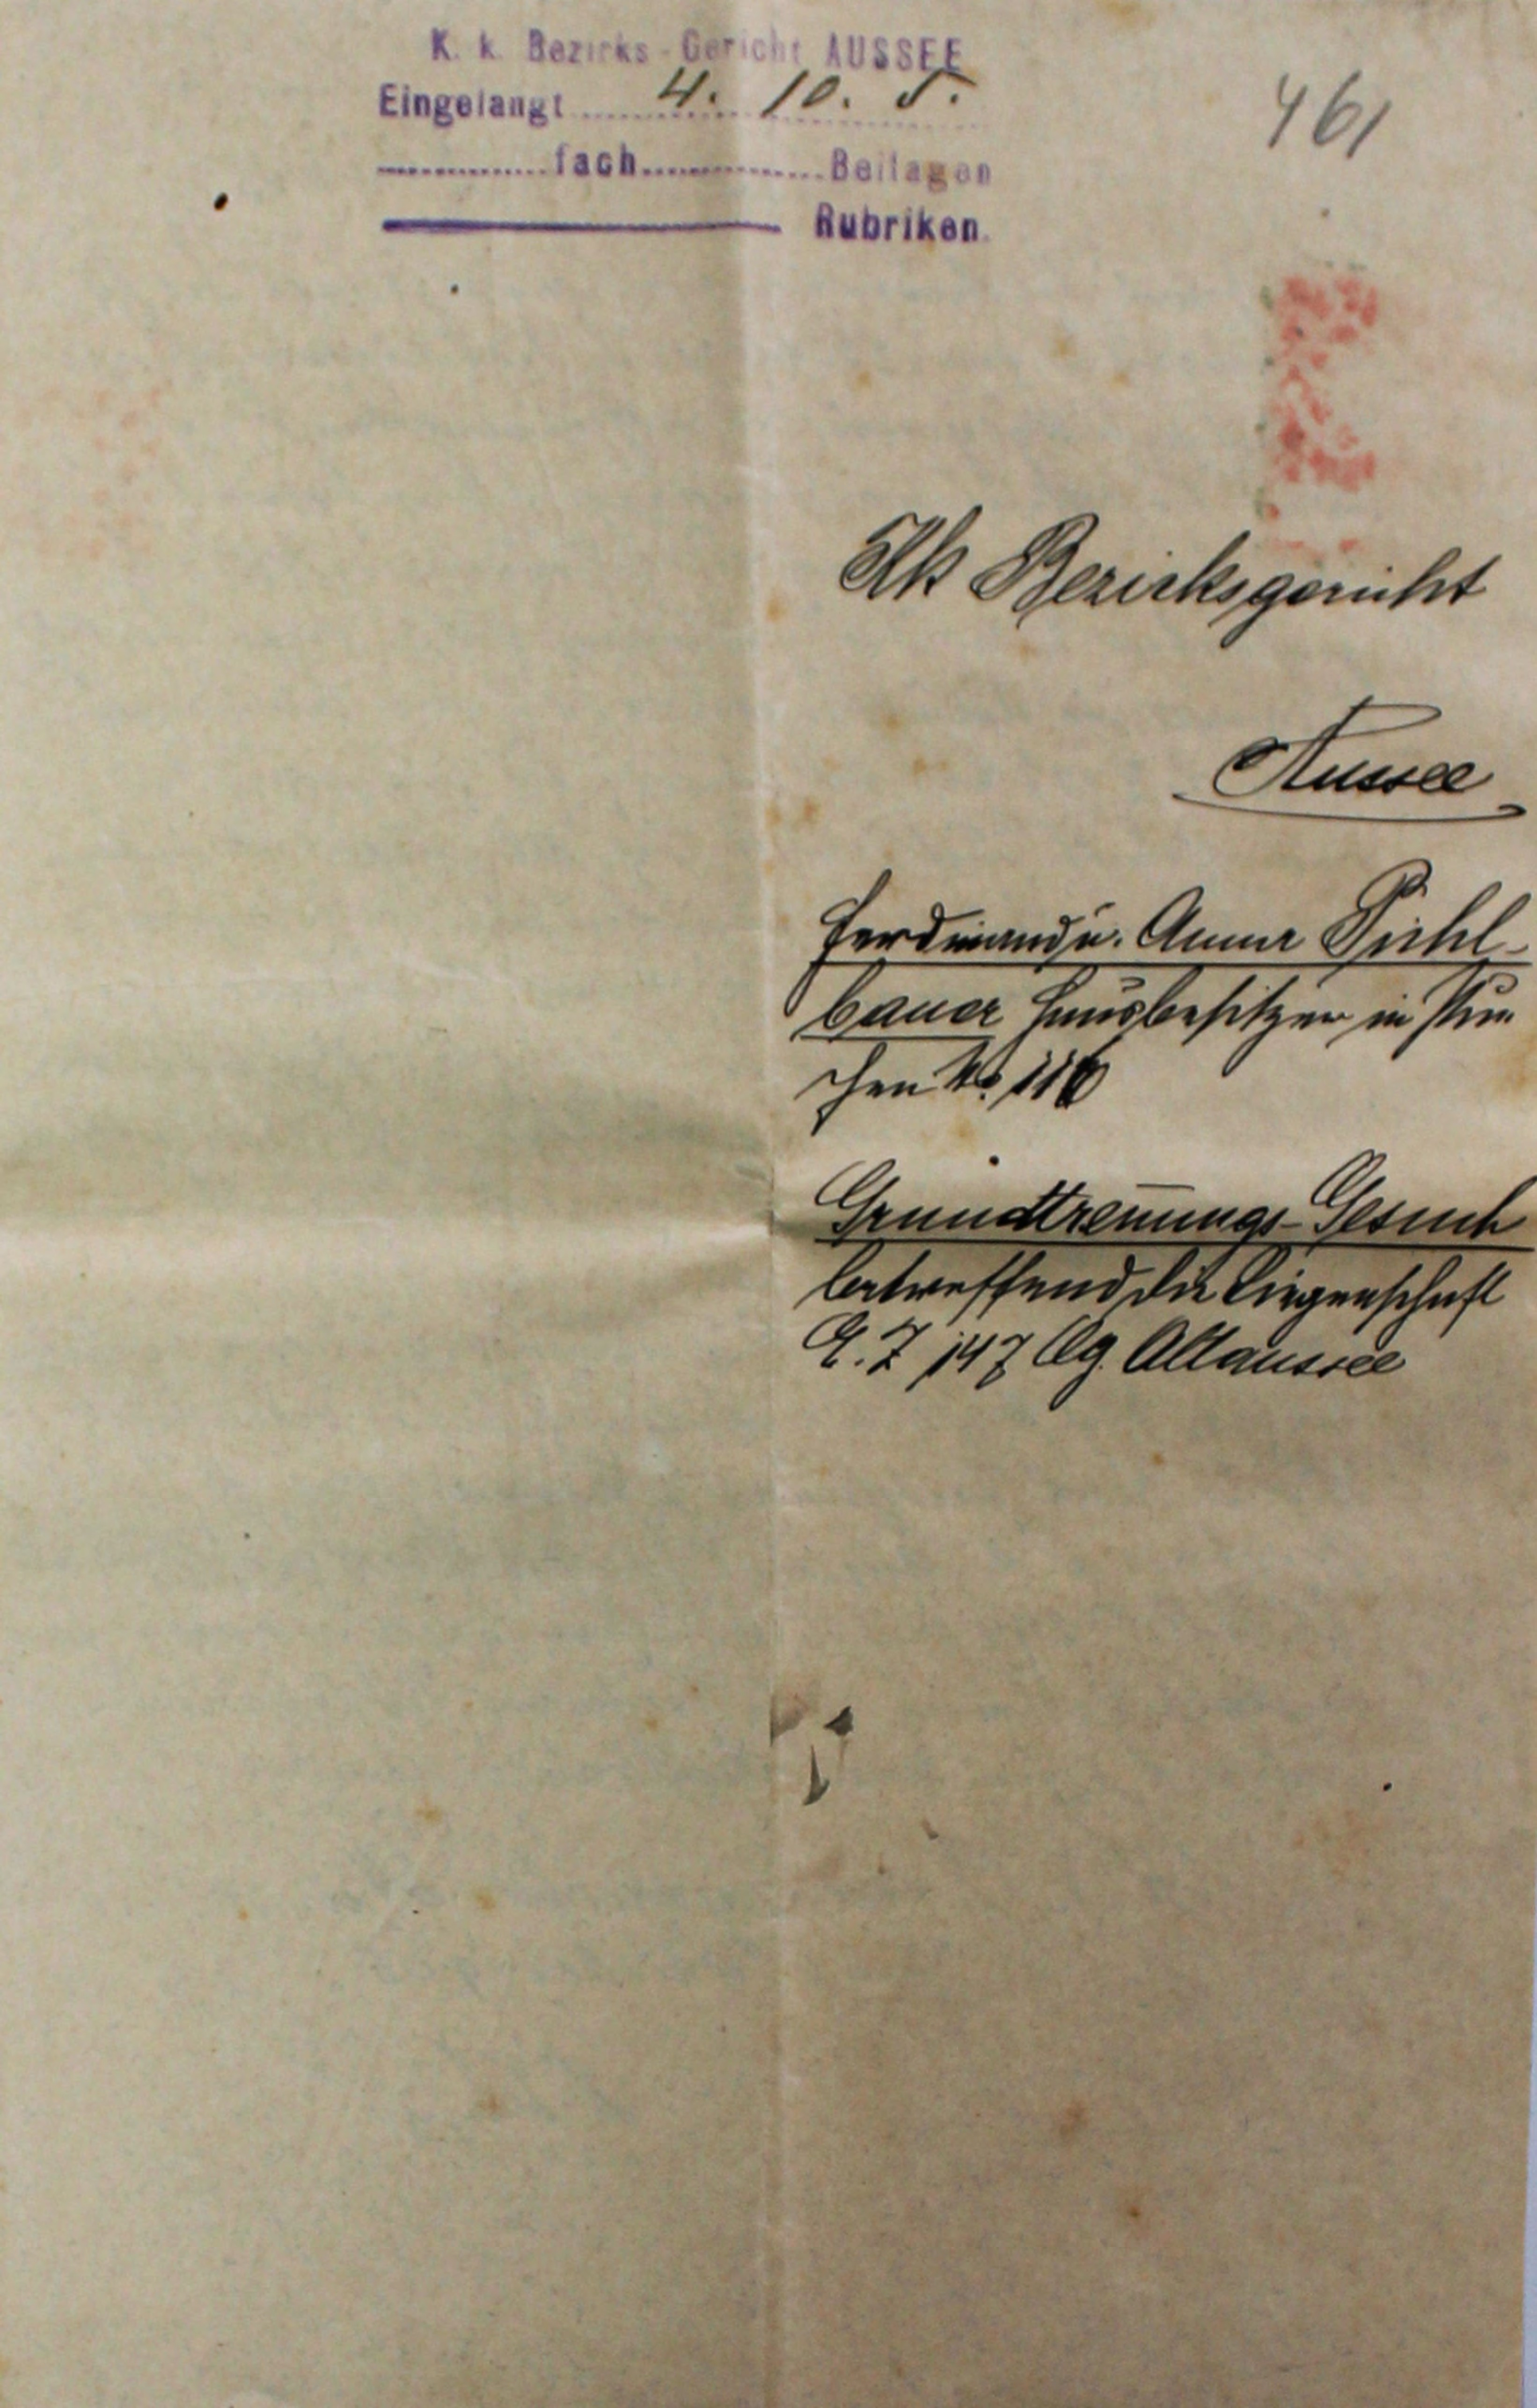K. k. Bezirks - Gericht AUSSEE
Eingelangt 4.10.5.
......... fach ............ Beilagen
.......................... Rubriken.
461
Kk Bezirksgericht
Aussee
Ferdinand u. Anna Pichl-
bauer Hausbesitzer in Pu„
chen No 116
Grundtrennungs-Gesuch
betreffend die Biegenschaft
G.T. 147 Cg. Altausse